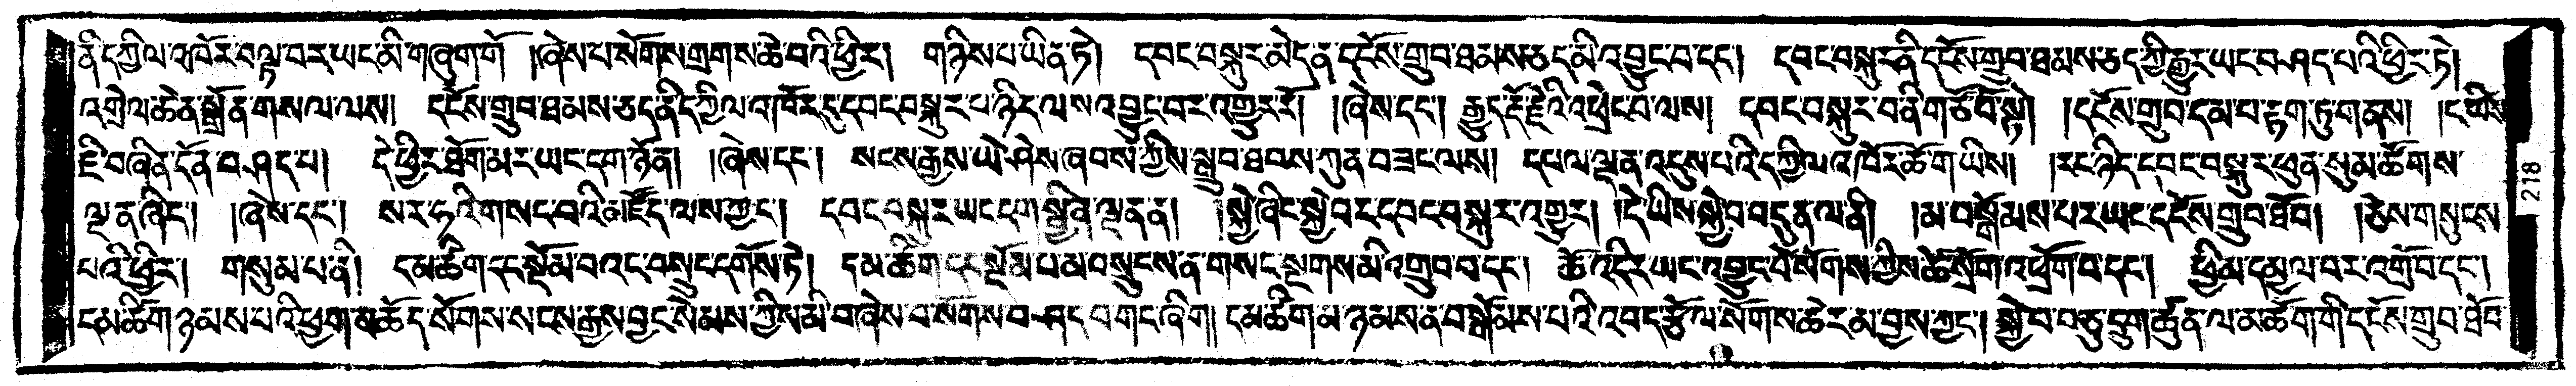ནི་དཀྱིལ་འཁོར་བལྟ་བར་ཡང་མི་གཞུག་གོ །ཞེས་པ་སོགས་གྲགས་ཆེ་བའི་ཕྱིར། གཉིས་པ་ཡིན་ཏེ། དབང་བསྐུར་མེད་ན་དངོས་གྲུབ་ཐམས་ཅད་མི་འབྱུང་བ་དང་། དབང་བསྐུར་ནི་དངོས་གྲུབ་ཐམས་ཅད་ཀྱི་རྒྱུར་ཡང་བཤད་པའི་ཕྱིར་ཏེ།
འགྲེལ་ཆེན་སྒྲོན་གསལ་ལས། དངོས་གྲུབ་ཐམས་ཅད་ནི་དཀྱིལ་འཁོར་དུ་དབང་བསྐུར་པ་ཉིད་ལས་འབྱུང་བར་འགྱུར་རོ། །ཞེས་དང་། རྒྱུད་རྡོ་རྗེའི་འཕྲེང་བ་ལས། དབང་བསྐུར་བ་ནི་གཙོ་བོ་སྟེ། །དངོས་གྲུབ་དམ་པ་རྟག་ཏུ་གནས། །ང་ཡིས་
ཇི་བཞིན་དོན་བཤད་པ། དེ་ཕྱིར་ཐོག་མར་ཡང་དག་ཉོན། །ཞེས་དང་། སངས་རྒྱས་ཡེ་ཤེས་ཞབས་ཀྱིས་སྒྲུབ་ཐབས་ཀུན་བཟང་ལས། དཔལ་ལྡན་འདུས་པའི་དཀྱིལ་འཁོར་ཆོ་ག་ཡིས། །རང་ཉིད་དབང་བསྐུར་ཕུན་སུམ་ཚོགས་
ལྡན་ཞིང་། །ཞེས་དང་། སར་ཧའི་གསང་བའི་མཛོད་ལས་ཀྱང་། དབང་བསྐུར་ཡང་དག་སྦྱིན་ལྡན་ན། །སྐྱེ་ཞིང་སྐྱེ་བར་དབང་བསྐུར་འགྱུར། །དེ་ཡིས་སྐྱེ་བ་བདུན་ལ་ནི། །མ་བསྒོམས་པར་ཡང་དངོས་གྲུབ་ཐོབ། །ཅེས་གསུངས་
པའི་ཕྱིར། གསུམ་པ་ནི། དམ་ཚིག་དང་སྡོམ་བའང་བསྲུང་དགོས་ཏེ། དམ་ཚིག་དང་སྡོམ་པ་མ་བསྲུངས་ན་གསང་སྔགས་མི་འགྲུབ་པ་དང་། ཚེ་འདིར་ཡང་འབྱུང་པོ་སོགས་ཀྱིས་ཚེ་སྲོག་འཕྲོག་བ་དང་། ཕྱི་མ་དམྱལ་བར་འགྲོ་བ་དང་།
དམ་ཚིག་ཉམས་པའི་ཕྱག་མཆོད་སོགས་སངས་རྒྱས་བྱང་སེམས་ཀྱིས་མི་བཞེས་པ་སོགས་བཤད་བ་གང་ཞིག། དམ་ཚིག་མ་ཉམས་ན་བསྒོམས་པའི་འབད་རྩོལ་སོགས་ཆེར་མ་བྱས་ཀྱང་། སྐྱེ་བ་བཅུ་དྲུག་ཚུན་ལ་མཆོག་གི་དངོས་གྲུབ་ཐོབ་